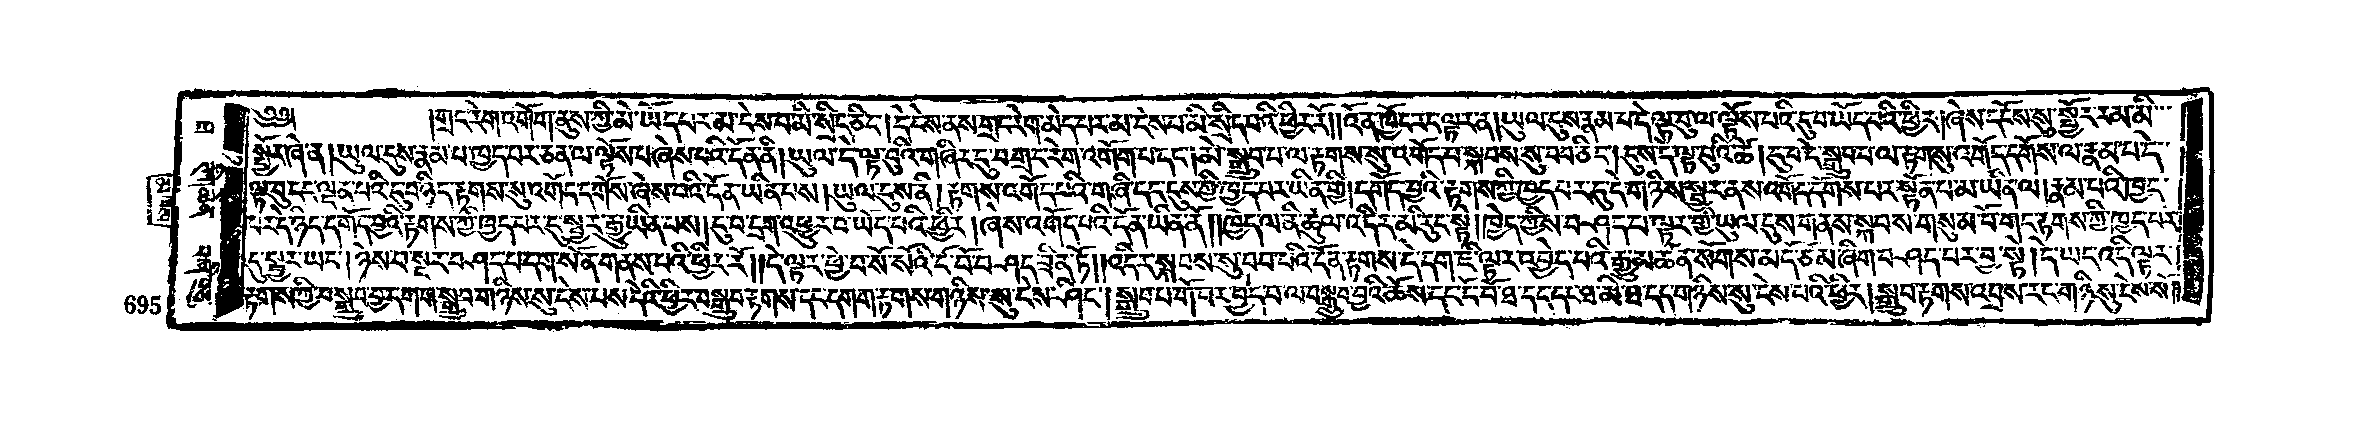༄༅། །གྲང་རེག་འགོག་ནུས་ཀྱི་མེ་ཡོད་པར་མ་ངེས་པ་མི་སྲིད་ཅིང་། དེ་ངེས་ནས་གྲང་རེག་མེད་པར་མ་ངེས་པ་མི་སྲིད་པའི་ཕྱིར་རོ། །འོ་ན་ཁྱོད་རང་ལྟར་ན། ཡུལ་དུས་རྣམ་པ་དེ་ལྟ་བུ་ལ་ལྟོས་པའི་དུ་བ་ཡོད་པའི་ཕྱིར། ཞེས་དངོས་སུ་སྦྱོར་རམ་མི་
སྦྱོར་ཞེ་ན། ཡུལ་དུས་རྣམ་པ་ཁྱད་པར་ཅན་ལ་ལྟོས་པ་ཞེས་པའི་དོན་ནི། ཡུལ་དེ་ལྟ་བུའི་གཞིར་དུ་བ་གྲང་རེག་འགོག་པ་དང་། མེ་སྒྲུབ་པ་ལ་རྟགས་སུ་འགོད་པ་སྐབས་སུ་བབ་ཅིང་། དུས་དེ་ལྟ་བུའི་ཚེ། དུ་བ་དེ་སྒྲུབ་པ་ལ་རྟགས་སུ་འགོད་དགོས་ལ་རྣམ་པ་དེ་
ལྟ་བུ་དང་ལྡན་པའི་དུ་བ་ཉིད་རྟགས་སུ་འགོད་དགོས་ཞེས་པའི་དོན་ཡིན་པས། ཡུལ་དུས་ནི། རྟགས་འགོད་པའི་གཞི་དང་དུས་ཀྱི་ཁྱད་པར་ཡིན་གྱི། དགོད་བྱའི་རྟགས་ཀྱི་ཁྱད་པར་དུ་དེ་གཉིས་སྦྱར་ནས་འགོད་དགོས་པར་སྟོན་པ་མ་ཡིན་ལ། རྣམ་པའི་ཁྱད་
པར་དེ་ཉིད་དགོད་བྱའི་རྟགས་ཀྱི་ཁྱད་པར་དུ་སྦྱར་རྒྱུ་ཡིན་པས། དུ་བ་དྲག་འཕྱུར་བ་ཡོད་པའི་ཕྱིར། ཞེས་འགོད་པའི་དོན་ཡིན་ནོ། །ཁྱེད་ལ་ནི་ཚུལ་འདིར་མི་རུང་སྟེ། ཁྱེད་ཀྱིས་བཤད་པ་ལྟར་གྱི་ཡུལ་དུས་གནས་སྐབས་གསུམ་པོ་གང་རྟགས་ཀྱི་ཁྱད་པར་
དུ་སྦྱར་ཡང་། ཉེས་པ་སྔར་བཤད་པ་དག་སོ་ན་གནས་པའི་ཕྱིར་རོ། །དེ་ལྟར་ཕྱེ་བ་སོ་སོའི་ངོ་བོ་བཤད་ཟིན་ཏོ། །འདིར་སྐབས་སུ་བབ་པའི་དོན་རྟགས་དེ་དག་ཇི་ལྟར་འབྱེད་པའི་རྒྱུ་མཚན་སོགས་མདོ་ཙམ་ཞིག་བཤད་པར་བྱ་སྟེ། དེ་ཡང་འདི་ལྟར་
རྟགས་ཀྱི་བསྒྲུབ་བྱ་དགག་སྒྲུབ་གཉིས་སུ་ངེས་པས་དེའི་ཕྱིར་བསྒྲུབ་རྟགས་དང་དགག་རྟགས་གཉིས་སུ་ངེས་ཤིང་། སྒྲུབ་པ་གོ་བར་བྱེད་པ་ལ་བསྒྲུབ་བྱའི་ཆོས་དང་ངོ་བོ་ཐ་དད་དང་ཐ་མི་དད་གཉིས་སུ་ངེས་པའི་ཕྱིར། སྒྲུབ་རྟགས་འབྲས་རང་གཉིས་སུ་ངེས་སོ།།